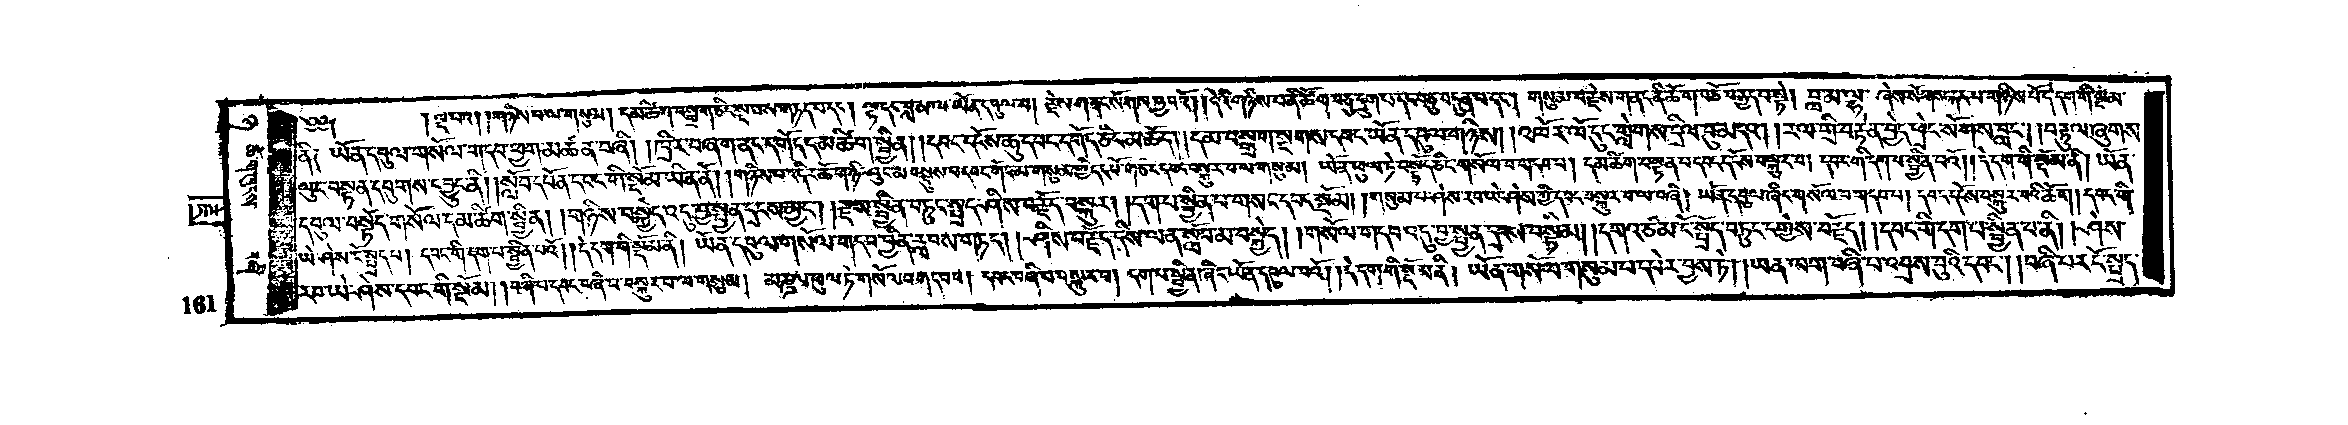༄༅། །ལྔ་པའོ། །གཉིས་པ་ལ་གསུམ། དམ་ཚིག་བསྒྲག་ཅིང་སྔགས་གཏད་པ་དང་། ལྷ་དང་བླ་མ་ལ་ཡོན་དབུལ་བ། རྗེས་གནང་སོགས་བྱ་བའོ། །དེའི་གཉིས་པ་ནི་ཆོ་ག་བཅུ་དྲུག་པ་དང་བཅུ་བདུན་པ་དང་། གསུམ་པ་རྗེས་གནང་ནི་ཆོ་ག་བཅོ་བརྒྱད་པ་སྟེ། བླ་མ་ལྷ་ཞེས་སོགས་རྐང་པ་གཉིས་པོ་དེ་དག་གི་སྡོམ་
ནི། ཡོན་དབུལ་གསོལ་གདབ་ཕྱག་མཚན་བཞི། །ཁྲིར་བཞག་ནང་དགོད་དམ་ཚིག་སྦྱིན། །དབང་དངོས་ཆུ་དབང་དགོད་ཅིང་མཆོད། །དམ་བསྒྲག་སྔགས་དབང་ཡོན་དབུལ་གཉིས། །འཁོར་ལོ་དུང་གླེགས་དྲིལ་བུ་མདའ། །རལ་གྲི་བརྟེན་བྱེད་ཕྲེང་སོགས་བླང་། །བརྟུལ་ཞུགས་
ལུང་བསྟན་དབུགས་དབྱུང་ནི། །སློབ་དཔོན་དབང་གི་སྡོམ་ཡིན་ནོ། ། གཉིས་པ་འདིར་ཆོ་ག་ཉི་ཤུར་མ་བསྡུས་པ་དབང་གོང་མ་གསུམ་གྱི་དང་པོ་གསང་དབང་བསྐུར་བ་ལ་གསུམ། ཡོན་ཕུལ་ཏེ་བསྟོད་ཅིང་གསོལ་བ་གདབ་པ། དམ་ཚིག་བསྟན་པ་དབང་དངོས་བསྐུར་བ། དབང་གི་དག་པ་སྦྱིན་པའོ། །དེ་དག་གི་སྡོམ་ནི།  ཡོན་
དབུལ་བསྟོད་གསོལ་དམ་ཚིག་སྦྱིན། །གཉིས་བསྐྱེད་འདུ་བྱ་སྤྱན་དྲངས་མྱང་། །རྫས་སྦྱིན་བཏུང་སྤྲད་ཤིས་བརྗོད་བསྐུར། །དག་པ་སྦྱིན་པ་གསང་དབང་སྡོམ། །གསུམ་པ་ཤེས་རབ་ཡེ་ཤེས་ཀྱི་དབང་བསྐུར་བ་ལ་བཞི། ཡོན་དབུལ་ཞིང་གསོལ་བ་གདབ་པ། དབང་དངོས་བསྐུར་བའི་ཆོ་ག །དབང་གི་
ཡེ་ཤེས་ངོ་སྤྲད་པ། དབང་གི་དག་པ་སྦྱིན་པའོ། །དེ་དག་གི་སྡོམ་ནི། ཡོན་དབུལ་གསོལ་གདབ་བྱིན་རླབས་གཏད། །ཤིས་བརྗོད་དྲིས་ལན་སློབ་མ་བསྐྱེད། །གསོལ་གདབ་འདུ་བྱ་སྤྱན་དྲངས་བསྟིམ། །དགའ་ཙམ་ངོ་སྤྲོད་བཏུང་དགྱེས་བརྗོད། །དབང་གི་དག་པ་སྦྱིན་པ་ནི། །ཤེས་
རབ་ཡེ་ཤེས་དབང་གི་སྡོམ། །བཞི་པ་དབང་བཞི་པ་བསྐུར་བ་ལ་གསུམ། མཎྜལ་ཕུལ་ཏེ་གསོལ་བ་གདབ་པ། དབང་བཞི་པ་བསྐུར་བ། དག་པ་སྦྱིན་ཞིང་ཡོན་དབུལ་བའོ། །དེ་དག་གི་སྡོམ་ནི།  ཡོན་གསོལ་གསུམ་པ་དཔེར་བྱས་ཏེ། །ཡན་ལག་བཞི་པ་འབྲས་བུའི་དབང་། །བཞི་པར་ངོ་སྤྲད་